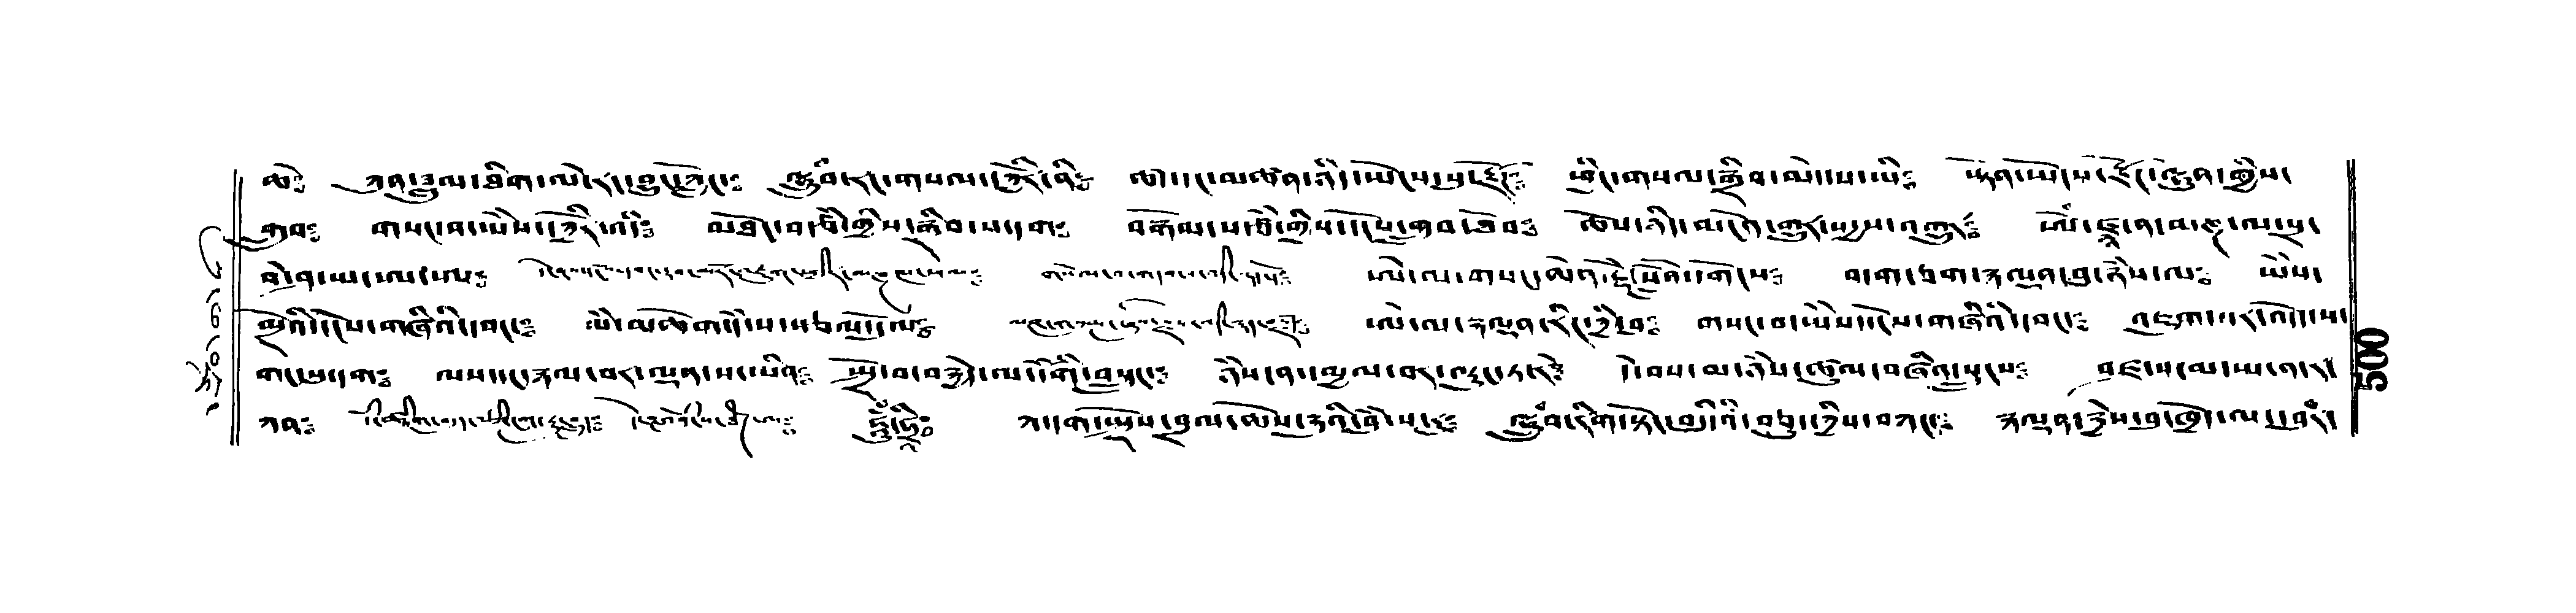ཆེ༔ ཀུན་ཟླུམ་ཐིག་ལེ་རང་བྱུང་ཀློང༔ ལྷུན་གྲུབ་རང་གསལ་དཀྱིལ་འཁོར་ནི༔ ཚད་དང་མཚན་ཉིད་ཡོངས་སུ་རྫོགས༔ ཕྱི་ནང་གསལ་སྒྲིབ་མེད་པ་ཡི༔ ཡོན་ཏན་ཡོངས་རྫོགས་ལྷུན་གྱིས་
གྲུབ༔ གསང་བ་ཡེ་ཤེས་དཀྱིལ་འཁོར་འདི༔ མཐོང་བ་ཙམ་གྱིས་སྒྲིབ་པ་དག༔ སྒོམ་པ་ཙམ་གྱིས་དངོས་གྲུབ་འཐོབ༔ ཆོས་ཉིད་མངོན་གྱུར་སངས་རྒྱས་འགྱུར༔ ཨོཾ་ཛྙཱ་ན་མཎྜལ་ལ་པྲ་
བེ་ཤ་ཡ་ཨ་ཨཱཿ དེ་ནས་དངོས་དབང་ཟབ་མོར་འཇུག་ཕྱིར་མཎྜལ་ཕུལ༔ གསོལ་བ་གདབ་པ་འདི་སྐད་དོ༔ ཨེ་མཿགསང་ཆེན་རྡོ་རྗེ་སློབ་དཔོན་དགོངས༔ བདག་ཅག་སྐལ་ལྡན་བུ་རྣམས་ལ༔ ཡེ་ཤེས་
མཁའ་འགྲོའི་དངོས་གཞིའི་དབང༔ ལམ་མཆོག་དམ་པ་བསྩལ་དུ་གསོལ༔ ལན་གསུམ་ཞུས་རྗེས་འདི་སྐད་བརྗོད༔ ཨེ་མ་སྐལ་ལྡན་རིགས་ཀྱི་བུ༔ གསང་བ་ཡེ་ཤེས་དངོས་གཞིའི་དབང༔ འཇུག་པར་འདོད་པ་
གང་སུ་དག༔ ལས་དང་སྐལ་བར་ལྡན་པ་ཡིན༔ སྤྲོ་བ་བསྐྱེད་ལ་དམ་ཚིག་སྲུངས༔ ཉམས་ན་དམྱལ་བར་ལྟུང་ཏ་རེ༔དེ་བས་མ་ཉམས་ཚུལ་བཞིན་སྲུངས༔ བཛྲ་ས་མ་ཡ་ན་ར་
ཀན༔ དམ་ཚིག་བདུད་རྩི་ངག་ཏུ་བླུད༔ དེ་ནས་བུམ་པ་ཐོགས་ལ༔ ཧཱུྃ་ཧྲཱིཿ ཀ་དག་སྤྲོས་བྲལ་ཆོས་སྐུའི་བུམ་པ་རུ༔ ལྷུན་གྲུབ་རིག་སྟོང་བདུད་རྩིའི་བཅུད་ཀྱིས་བཀང༔ སྐལ་ལྡན་སྐྱེས་བུ་ཁྱོད་ལ་དབང་བསྐུར་